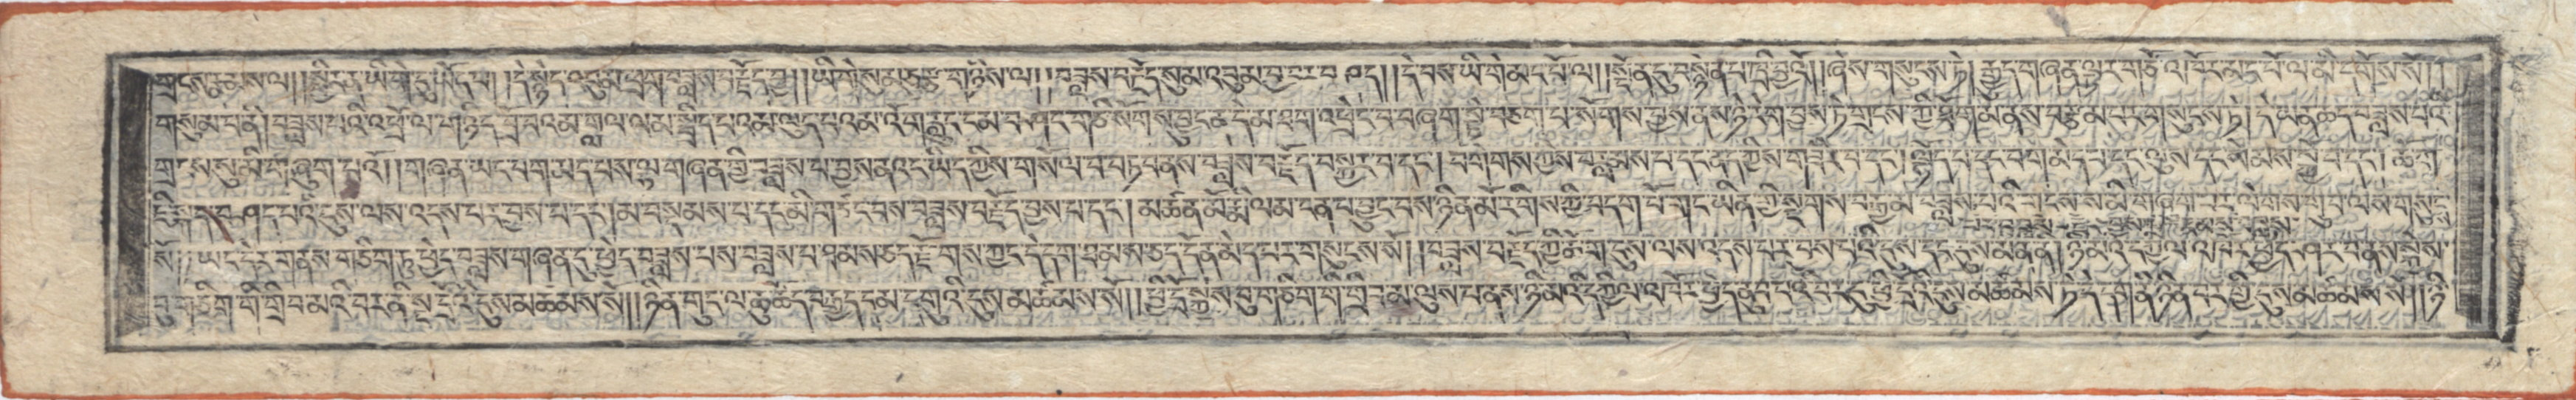གྲངས་རྣམས་ལ། །སྤྱིར་ན་ཡི་གེ་དུ་ཡོད་པ། །དེ་སྙེད་འབུམ་ཕྲག་བཟླས་བརྗོད་བྱ། །ཡི་གེ་སུམ་ཅུ་རྩ་གཉིས་ལ། །བཟླས་བརྗོད་སུམ་འབུམ་བྱ་བར་བཤད། །དེ་བས་ཡི་གེ་མང་པོ་ལ། །སྔོན་དུ་བསྙེན་པ་ཁྲི་བྱའོ། །ཞེས་གསུངས་ཏེ། རྒྱུད་གཞན་ལྟར་གཙོ་འཁོར་མང་པོ་ལ་མི་དགོས་སོ། །
གསུམ་པ་ནི། བཟླས་པའི་འཕྲོ་ལ་གཉིད་བྲོ་བའམ་གླལ་ལམ་སྦྲིད་པའམ་ལུད་པའམ་འོག་རླུང་ངམ་བཤད་གཅི་སོགས་བྱུང་ན་དེ་མ་ཐག་འཕྲེང་བ་བཞག་སྟེ་བཅག་པ་སོགས་བྱས་ནས་ཉེ་རེག་བྱས་ཏེ་གྲངས་ཀྱི་ཐོག་མ་ནས་བརྩམ་པར་གསུངས་ཏེ། དེ་ཡན་ཆད་བཟླས་པའི་
གྲངས་སུ་མི་གཞུག་པའོ། །གཞན་ཡང་པག་མེད་པས་ལྷ་གཞན་གྱི་བཟླས་པ་བྱས་ནའང་ཡིད་ཀྱིས་གསོལ་བ་བཏབ་ནས་བཟླས་བརྗོད་བསྐྱར་བ་དང་། བགེགས་ཀྱིས་བརླམས་པ་དང་ནད་ཀྱིས་གཟིར་བ་དང་། ལྷོད་པ་དང་བག་མེད་པ་དང་ལུས་དང་སེམས་སྐྱོ་བ་དང་། ཆོ་ག་
ཇི་སྐད་བཤད་པའི་དུས་ལས་འདས་པར་བྱས་པ་དང་། མ་བསྡམས་པ་དང་མི་གཙང་བས་བཟླས་བརྗོད་བྱས་པ་དང་། མཚན་མོ་རྨི་ལམ་ངན་པ་བྱུང་བས་ཉིན་མོ་རིགས་ཀྱི་བདག་པོ་གང་ཡིན་གྱི་སྔགས་བརྒྱ་མ་བཟླས་?་པར་བཟླས་བརྗོད་བྱས་པ་རྣམས་བཟླས་པའི་གྲངས་ས་མི་གཞུག་པར་ལེགས་གྲུབ་ལས་གསུངས་
སོ༑ ༑ཡང་དེར་གནས་གཅིག་ཏུ་ཕྱེད་བཟླས་གཞན་དུ་ཕྱེད་བཟླས་པས་བཟླས་པ་ཐམས་ཅད་རྫོགས་ཀྱང་དེ་དག་ཐམས་ཅད་དོན་མེད་པར་གསུངས་སོ། །བཟླས་བརྗོད་ཀྱི་ཆོ་ག་དུས་ལས་འདས་པར་བྱས་པའི་དུས་དང་དུས་མིན་ནི། ཉི་མའི་དཀྱིལ་འཁོར་ཕྱད་ཤར་བ་ནས་སྐྱེས་
བུ་གཅིག་གི་གྲིབ་མའི་བར་ནི་སྔ་དྲོའི་དུས་མཚམས་སོ། །ཉིན་གུང་ལ་ཆུ་ཚོད་བརྒྱད་དམ་དགུའི་དུས་མཚམས་སོ། །ཕྱི་དྲོ་སྐྱེས་བུ་གཅིག་གི་གྲིབ་མ་ལུས་པ་ནས་ཉི་མའི་དཀྱིལ་འཁོར་ཕྱེད་ནུབ་པའི་བར་དུ་ཕྱི་དྲོའི་དུས་མཚམས་ཏེ་དེ་དག་ནི་ཉིན་བར་གྱི་དུས་མཚམས་སོ། །ཉི་